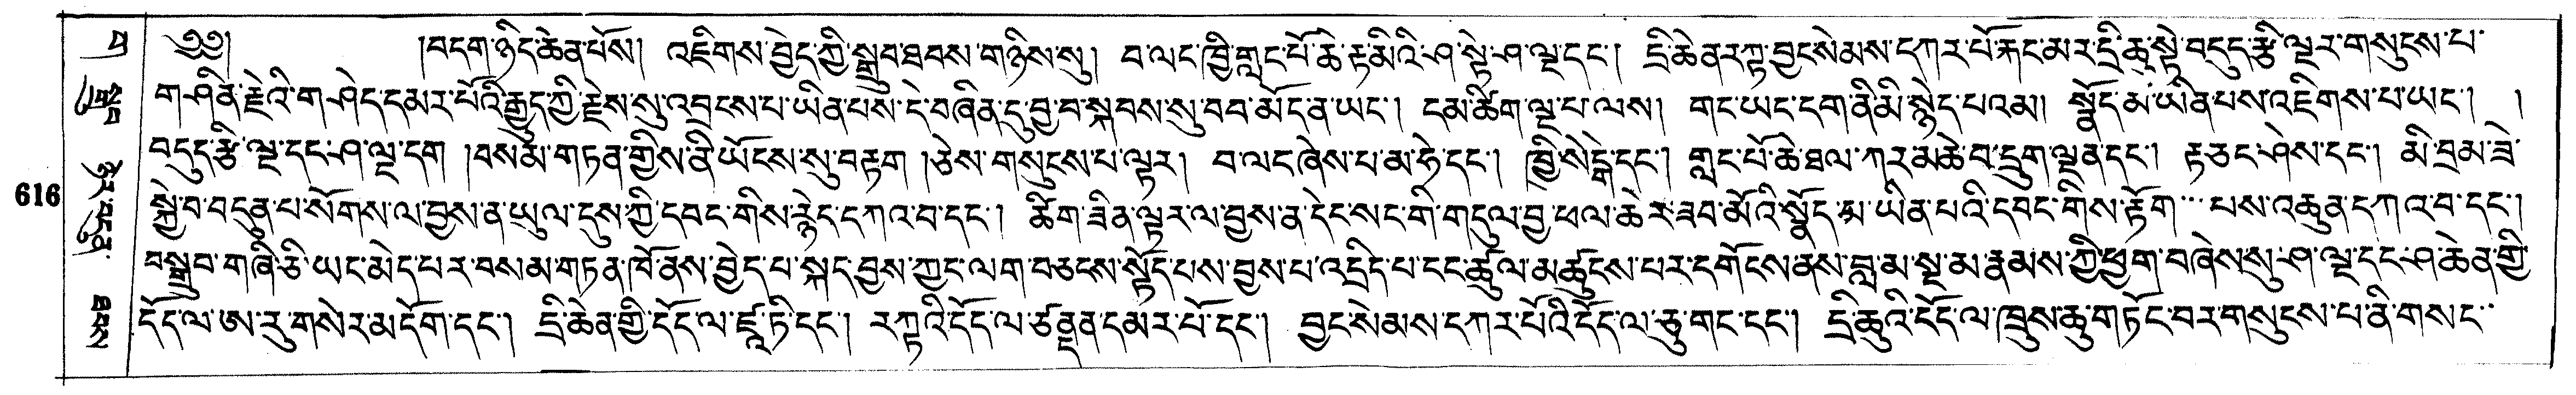༄༅། །བདག་ཉིད་ཆེན་པོས། འཇིགས་བྱེད་ཀྱི་སྒྲུབ་ཐབས་གཉིས་སུ། བ་ལང་ཁྱི་གླང་པོ་ཆེ་རྟ་མིའི་ཤ་སྟེ་ཤ་ལྔ་དང་། དྲི་ཆེན་རཀྟ་བྱང་སེམས་དཀར་པོ་རྐང་མར་དྲི་ཆུ་སྟེ་བདུད་རྩི་ལྔར་གསུངས་པ་
གཤིན་རྗེའི་གཤེད་དམར་པོའི་རྒྱུད་ཀྱི་རྗེས་སུ་འབྲངས་པ་ཡིན་པས་དེ་བཞིན་དུ་བྱ་བ་སྐབས་སུ་བབ་མོད་ན་ཡང་། དམ་ཚིག་ལྔ་པ་ལས། གང་ཡང་དག་ནི་མི་སྙེད་པའམ། སྣོད་མ་ཡིན་པས་འཇིགས་པ་ཡང་། །
བདུད་རྩི་ལྔ་དང་ཤ་ལྔ་དག །བསམ་གཏན་གྱིས་ནི་ཡོངས་སུ་བརྟག །ཅེས་གསུངས་པ་ལྟར། བ་ལང་ཞེས་པ་མ་ཧེ་དང་། ཁྱི་སེངྒེ་དང་། གླང་པོ་ཆེ་ཐལ་ཀར་མཆེ་བ་དྲུག་ལྡན་དང་། རྟ་ཅང་ཤེས་དང་། མི་བྲམ་ཟེ་
སྐྱེ་བ་བདུན་པ་སོགས་ལ་བྱས་ན་ཡུལ་དུས་ཀྱི་དབང་གིས་རྙེད་དཀའ་བ་དང་། ཚིག་ཟིན་ལྟར་ལ་བྱས་ན་དེང་སངས་གི་གདུལ་བྱ་ཕལ་ཆེར་ཟབ་མོའི་སྣོད་པ་ཡིན་པའི་དབང་གིས་རྟོག་པས་འཆུན་དཀའ་བ་དང་།
བསྒྲུབ་གཞི་ཅི་ཡང་མེད་པར་བསམ་གཏན་ཁོ་ནས་བྱེད་པ་སྐད་བྱས་ཀྱང་ལག་བཅངས་སྟོད་པས་བྱས་པ་འདྲིད་པ་ངང་ཚུལ་མཚུངས་པར་དགོངས་ནས་བླ་མ་སྔ་མ་རྣམས་ཀྱི་ཕྱག་བཞེས་སུ་ཤ་ལྔ་དང་ཤ་ཆེན་གྱི་
དོད་ལ་ཨ་རུ་གསེར་མདོག་དང་། དྲི་ཆེན་གྱི་དོད་ལ་ཛཱ་ཏི་དང་། རཀྟའི་དོད་ལ་ཙནྡན་དམར་པོ་དང་། བྱང་སེམས་དཀར་པོའི་དོད་ལ་ཅུ་གང་དང་། དྲི་ཆུའི་དོད་ལ་ཁྲུས་ཆུ་གཏོང་བར་གསུངས་པ་ནི་གསང་